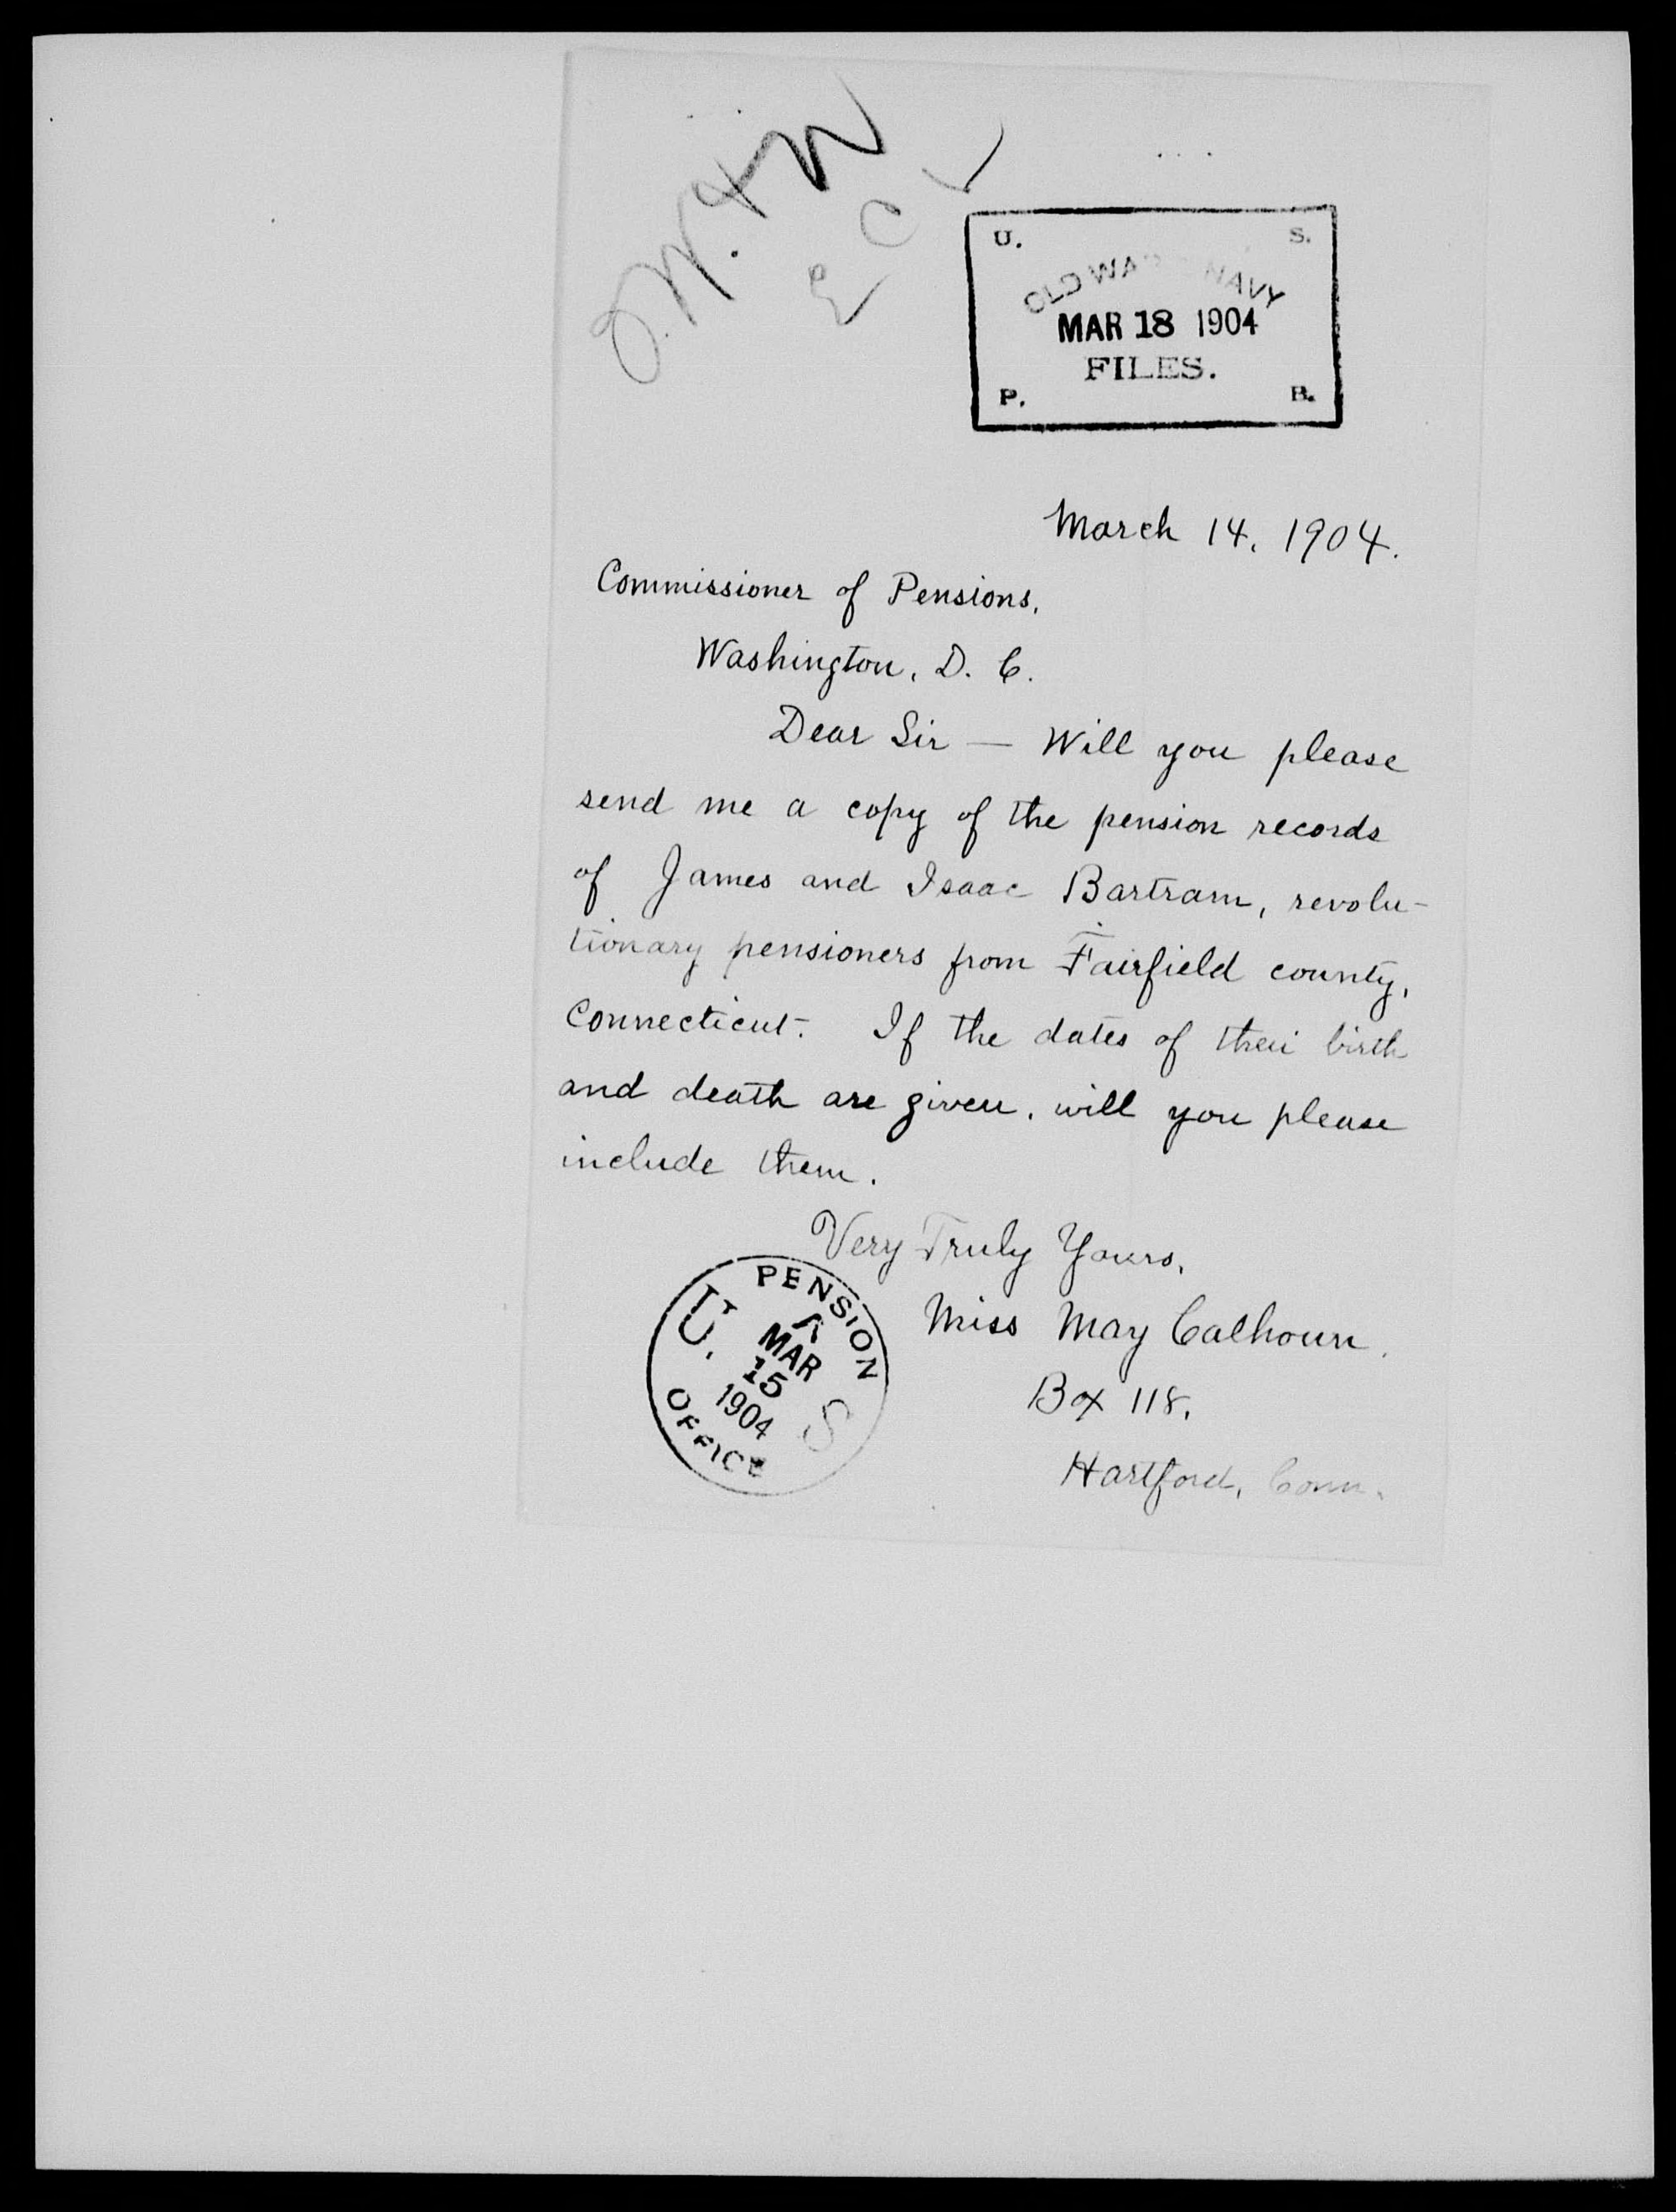O.W & W  ECL

{Stamped]  U S P B
OLD WAR & NAVY
MAR 18 1904
FILES.


March 14, 1904
Commissioner of Pensions
Washington, D.C.
Dear Sir-- Will you please
send me a copy of the pension records
of James and Isaac Bartram, revolutionary
pensioners from Fairfield County
Connecticut  If the dates of their birth
and death are given, will you please
include them
Very
Truly Yours,
Miss May Calhoun
Box 118
Hartford, Conn.

{Stamped]  U S Pension Office
Mar 15 1904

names: May Calhoun, Isaac Bartram, James Bartram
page: 39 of 39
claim: survivor's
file: S. 12110, Isaac Bartram, Continental (Conn)